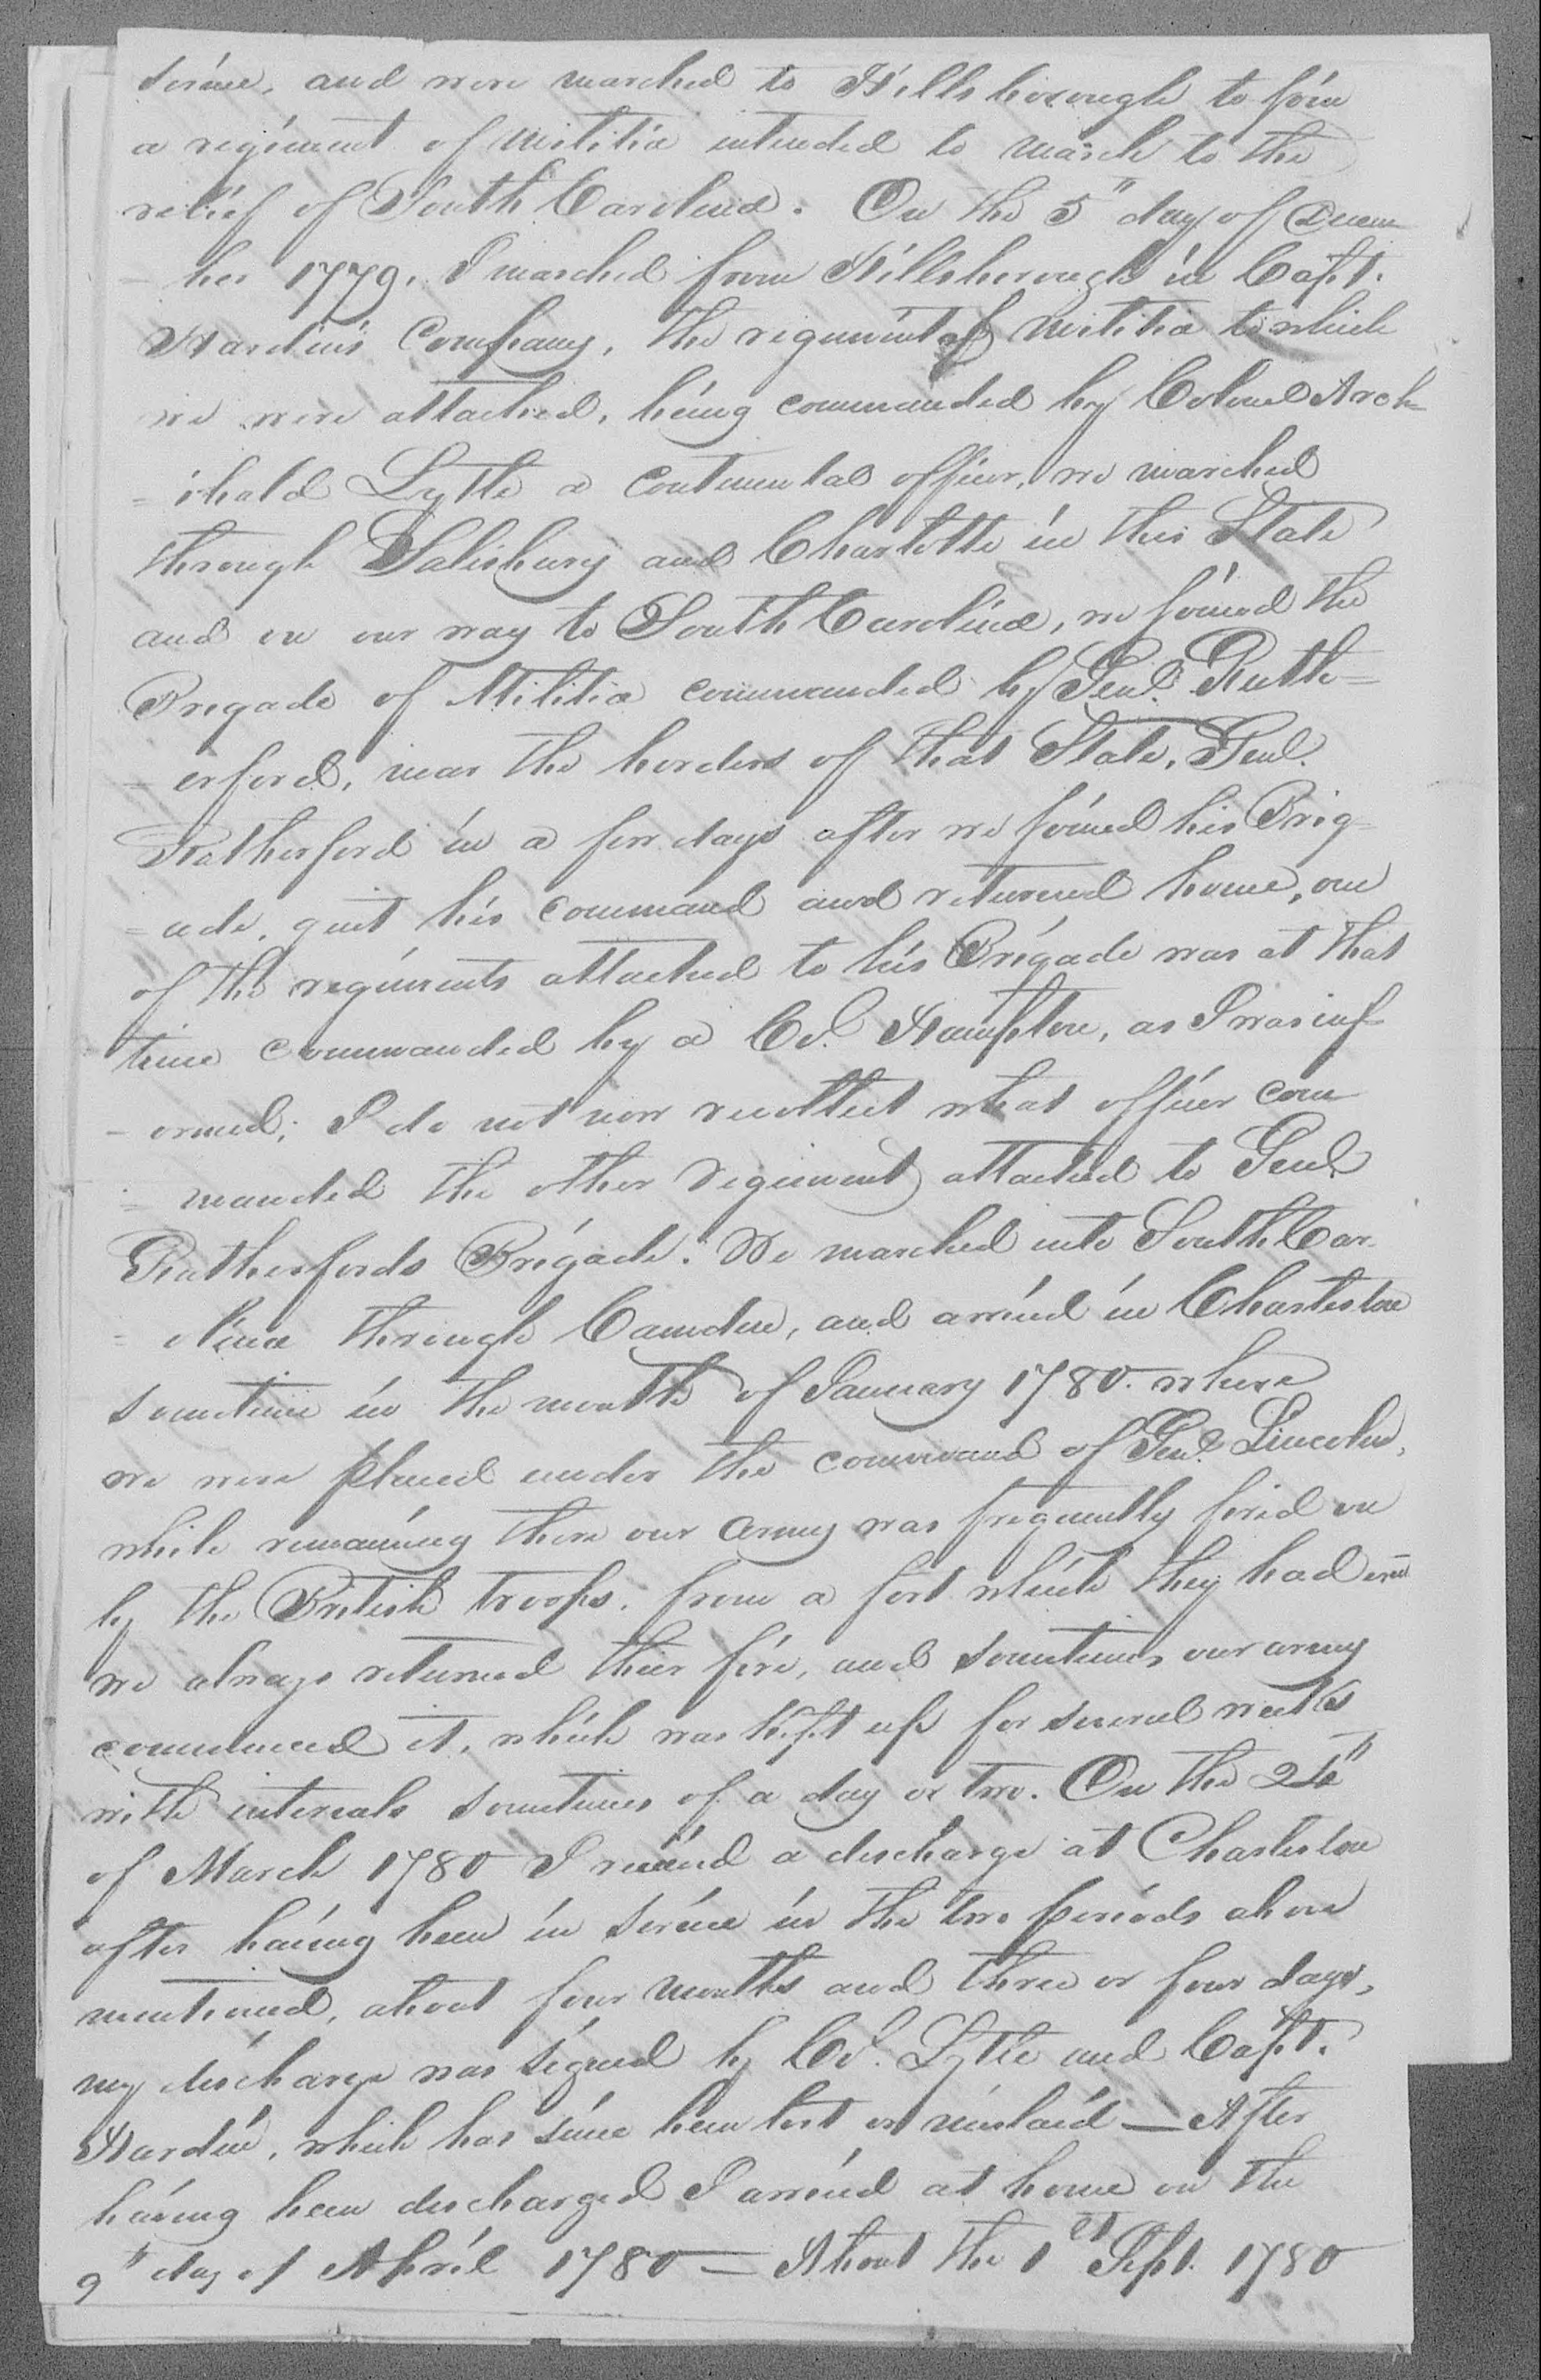Service, and were marched to Hillsborough to join a Regiment of Militia intended to march to the relief of South Carolina. On the 5th day of December 1779, I marched from Hillsborough in Captain Hardin's Company, the Regiment of militia to which we were attached, being commanded by Colonel Archibald Lytle a Continental officer, we marched through Salisbury and Charlotte in this State and on our way to South Carolina, we joined the Brigade of Militia commanded by Genl [General] Rutherford, near the borders of that State. Genl [General] Rutherford in a few days after we joined his Brigade, quit his command and returned home, one of the regiments attached to his Brigade was at that time commanded by Col [Colonel] Hampton, as I was informed; I do not now recollect what officer commanded the other Regiment attached to Genl [General] Rutherford's Brigade. We marched into South Carolina through Camden, and arrived in Charleston sometime in the month of January 1780 where we were placed under the command of [Genl [General] Lincoln, while remaining there our Army was frequently fired on by the British troops, from a fort which they had erected, we always returned their fire, and sometimes our army commenced it, which was kept up for several weeks with intervals sometimes of a day or two. On the 24th of March 1780 I received a discharge at Charleston after having been in service for the two periods above mentioned, about four months and three or four days, my discharge was signed by Col [Colonel] Lytle and Capt [Captain] Hardin, which has since been lost or mislaid - After having been discharged I arrived at home on the 9th day of April 1780. About the 1st of September 1780,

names: Lytle, Hampton, Hardin, Ratherford, Lincoln, Rutherford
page: 5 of 23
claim: survivor's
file: S. 6560, David Barker, N.C.